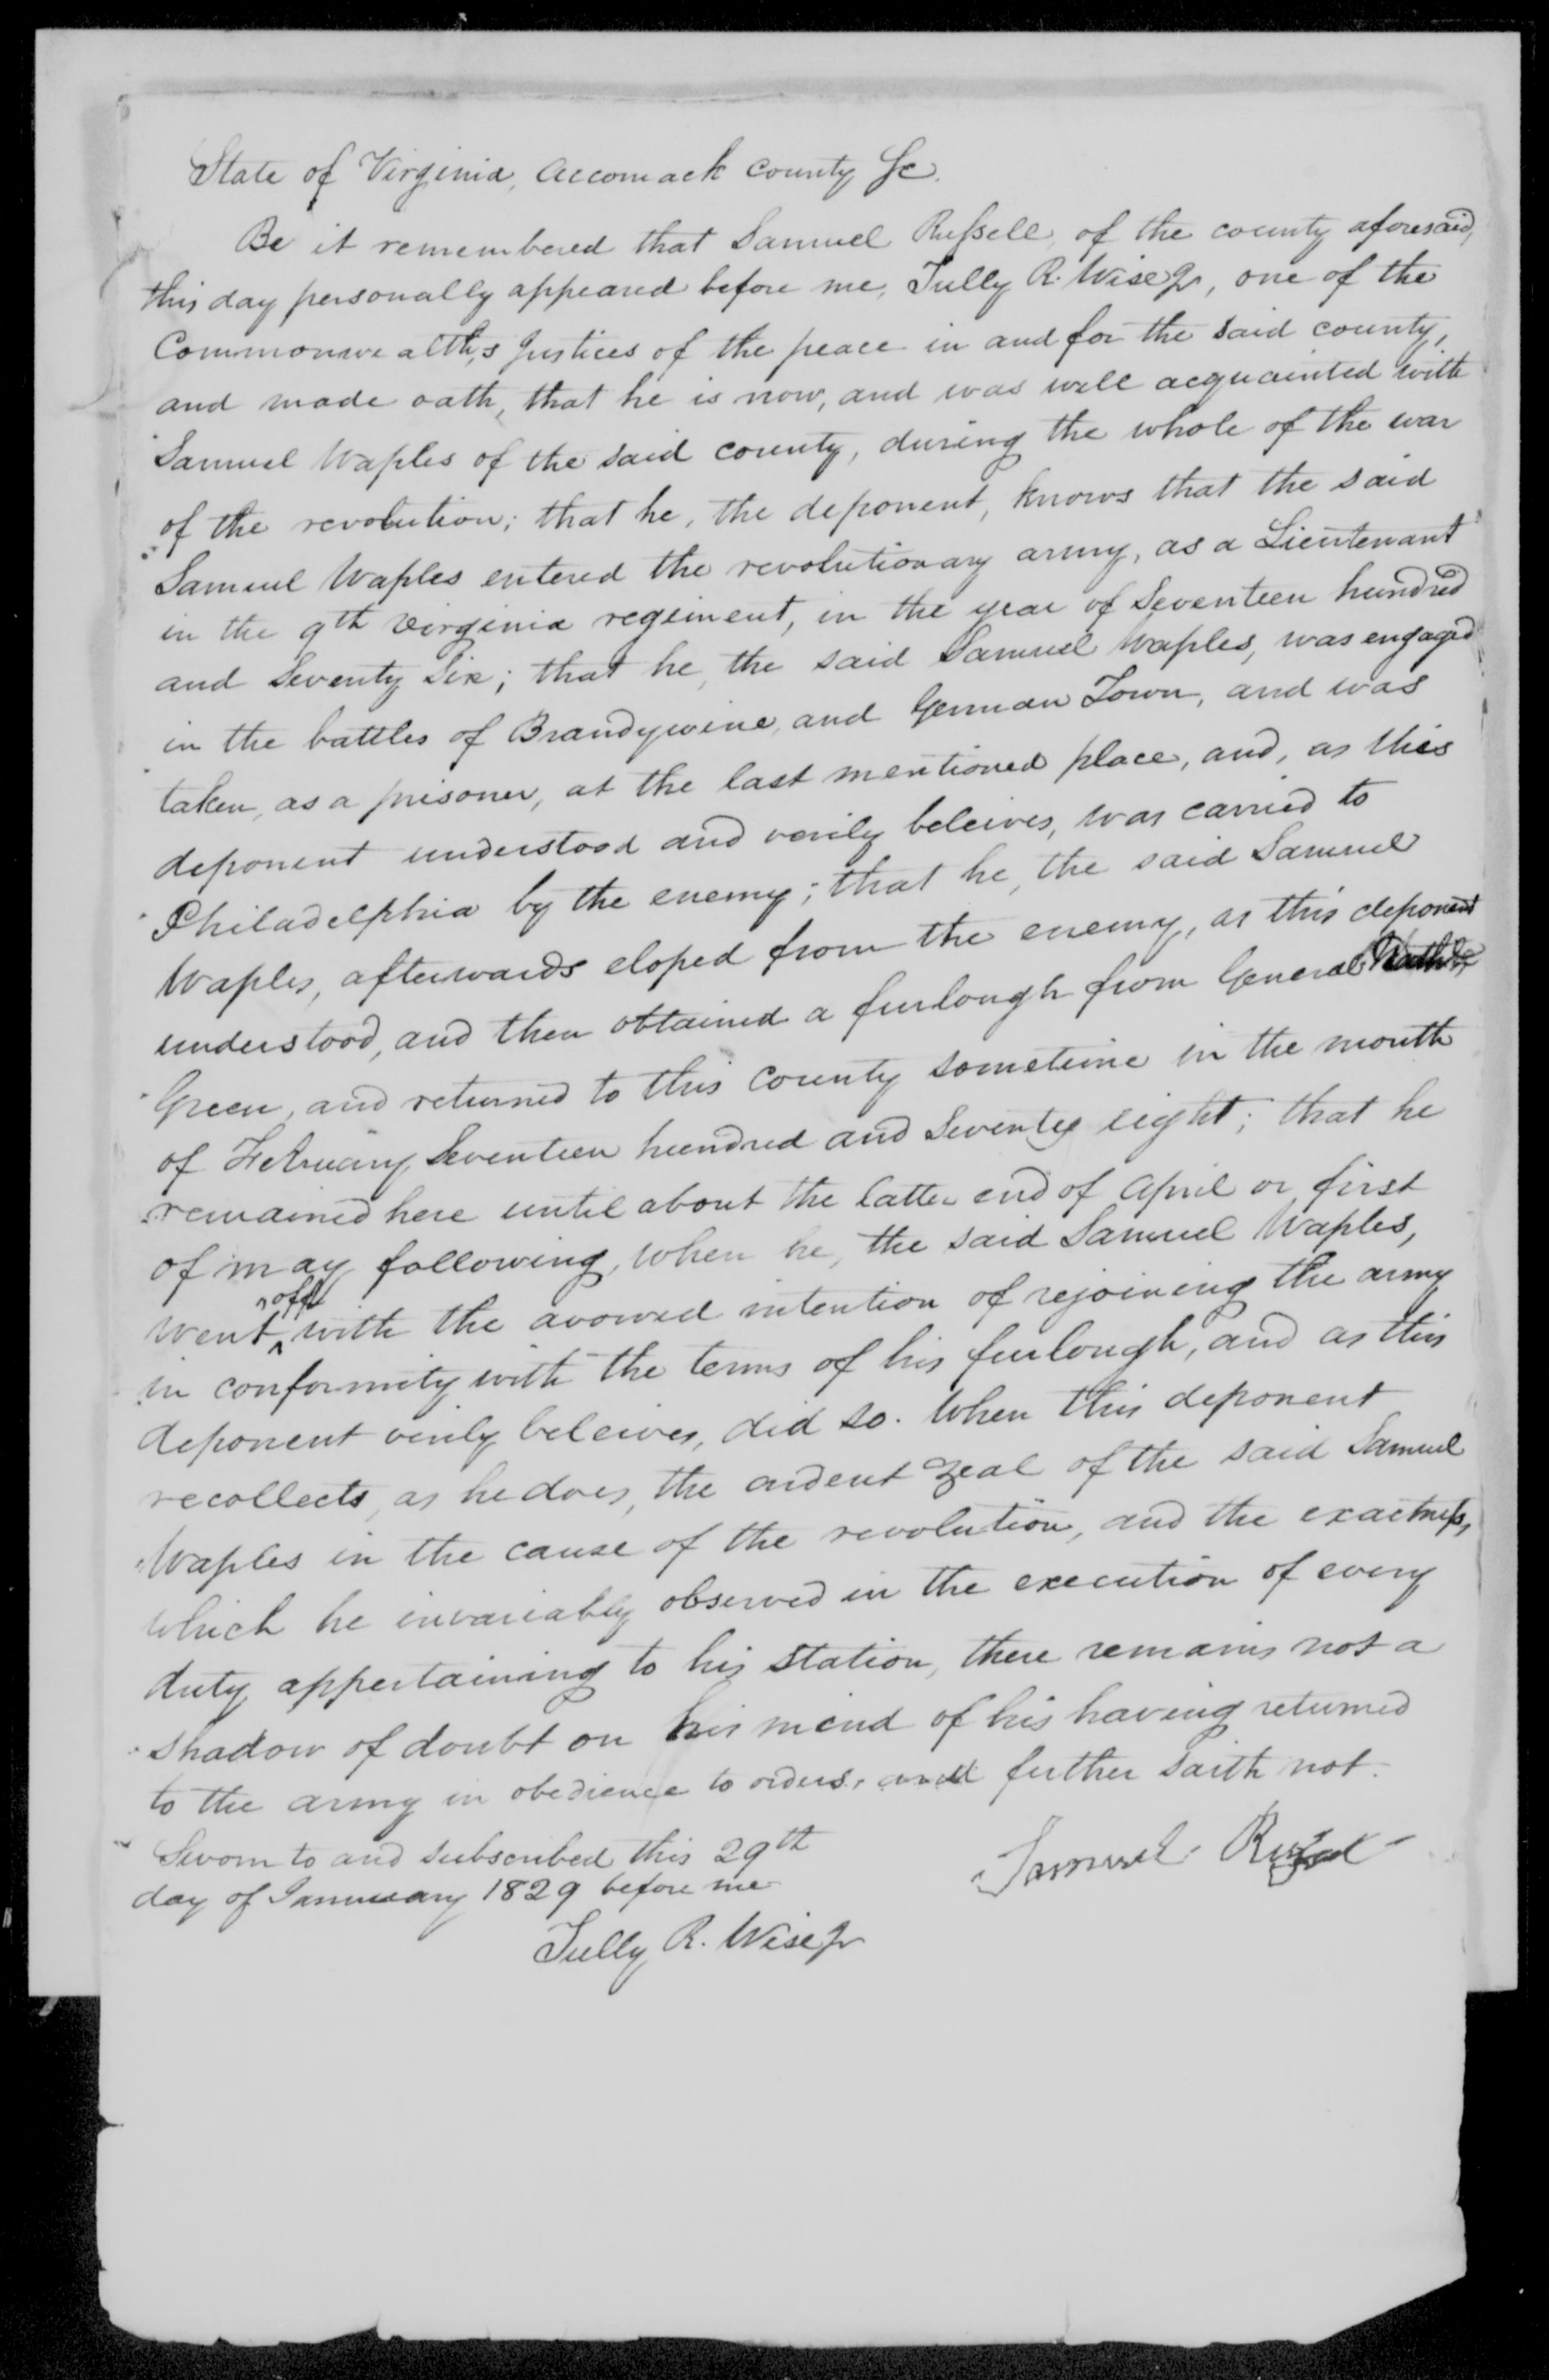State of Virginia, Accomack County Sc.
Be it remembered that Samuel Russell of the county aforesaid, this day personally appeared before me, Tully R. Wise Jr, one of the Commonwealths Justices of the peace in and for the said county, and made oath, that he is now, and was well acquainted with Samuel Waples of the said County, during the whole of the war of the revolution; that he, the deponent, knows that the said Samuel Waples entered the revolutionary army, as a Lieutenant in the 9th Virginia regiment, in the year of Seventeen hundred and Seventy Six; that he, the said Samuel Waples, was engaged in the battle of Brandywine, and German Town, and was taken, as a prisoner, at the last mentioned place, and, as this deponent understood and verily believes, was carried to Philadelphia by the enemy; that he, the said Samuel Waples, afterwards eloped from the enemy, as this deponent understood, and then obtained a furlough from General Green, and returned to this County sometime in the month of February Seventeen hundred and Seventy eight; that he remained here until about the latter end of April or first of May following, when he, the said Samuel Waples, went off with the avowed intention of rejoining the army in conformity with the terms of his furlough, and as this deponent verily believes, did so. When this deponent recollects, as he does, the ardent zeal of the said Samuel Waples in the cause of the revolution, and the exactness, which he invariably observed in the execution of every duty appertaining to his station, there remains not a shadow of doubt on his mind of his having returned to the army in obedience to orders, and further saith not.
Sworn to and subscribed this 29th
day of January 1829 before me Samuel Russell
Tully R. Wise Jr.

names: Samuel Waples, Tully R Wise, Samuel Waples, Tully R Wise, Nathl Green, Samuel Waples, Samuel Russel, Samuel Russell, Samuel Waples, Samuel Waples, Samuel Waples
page: 42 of 59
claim: widow's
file: W. 6427, Samuel Waples, Va.